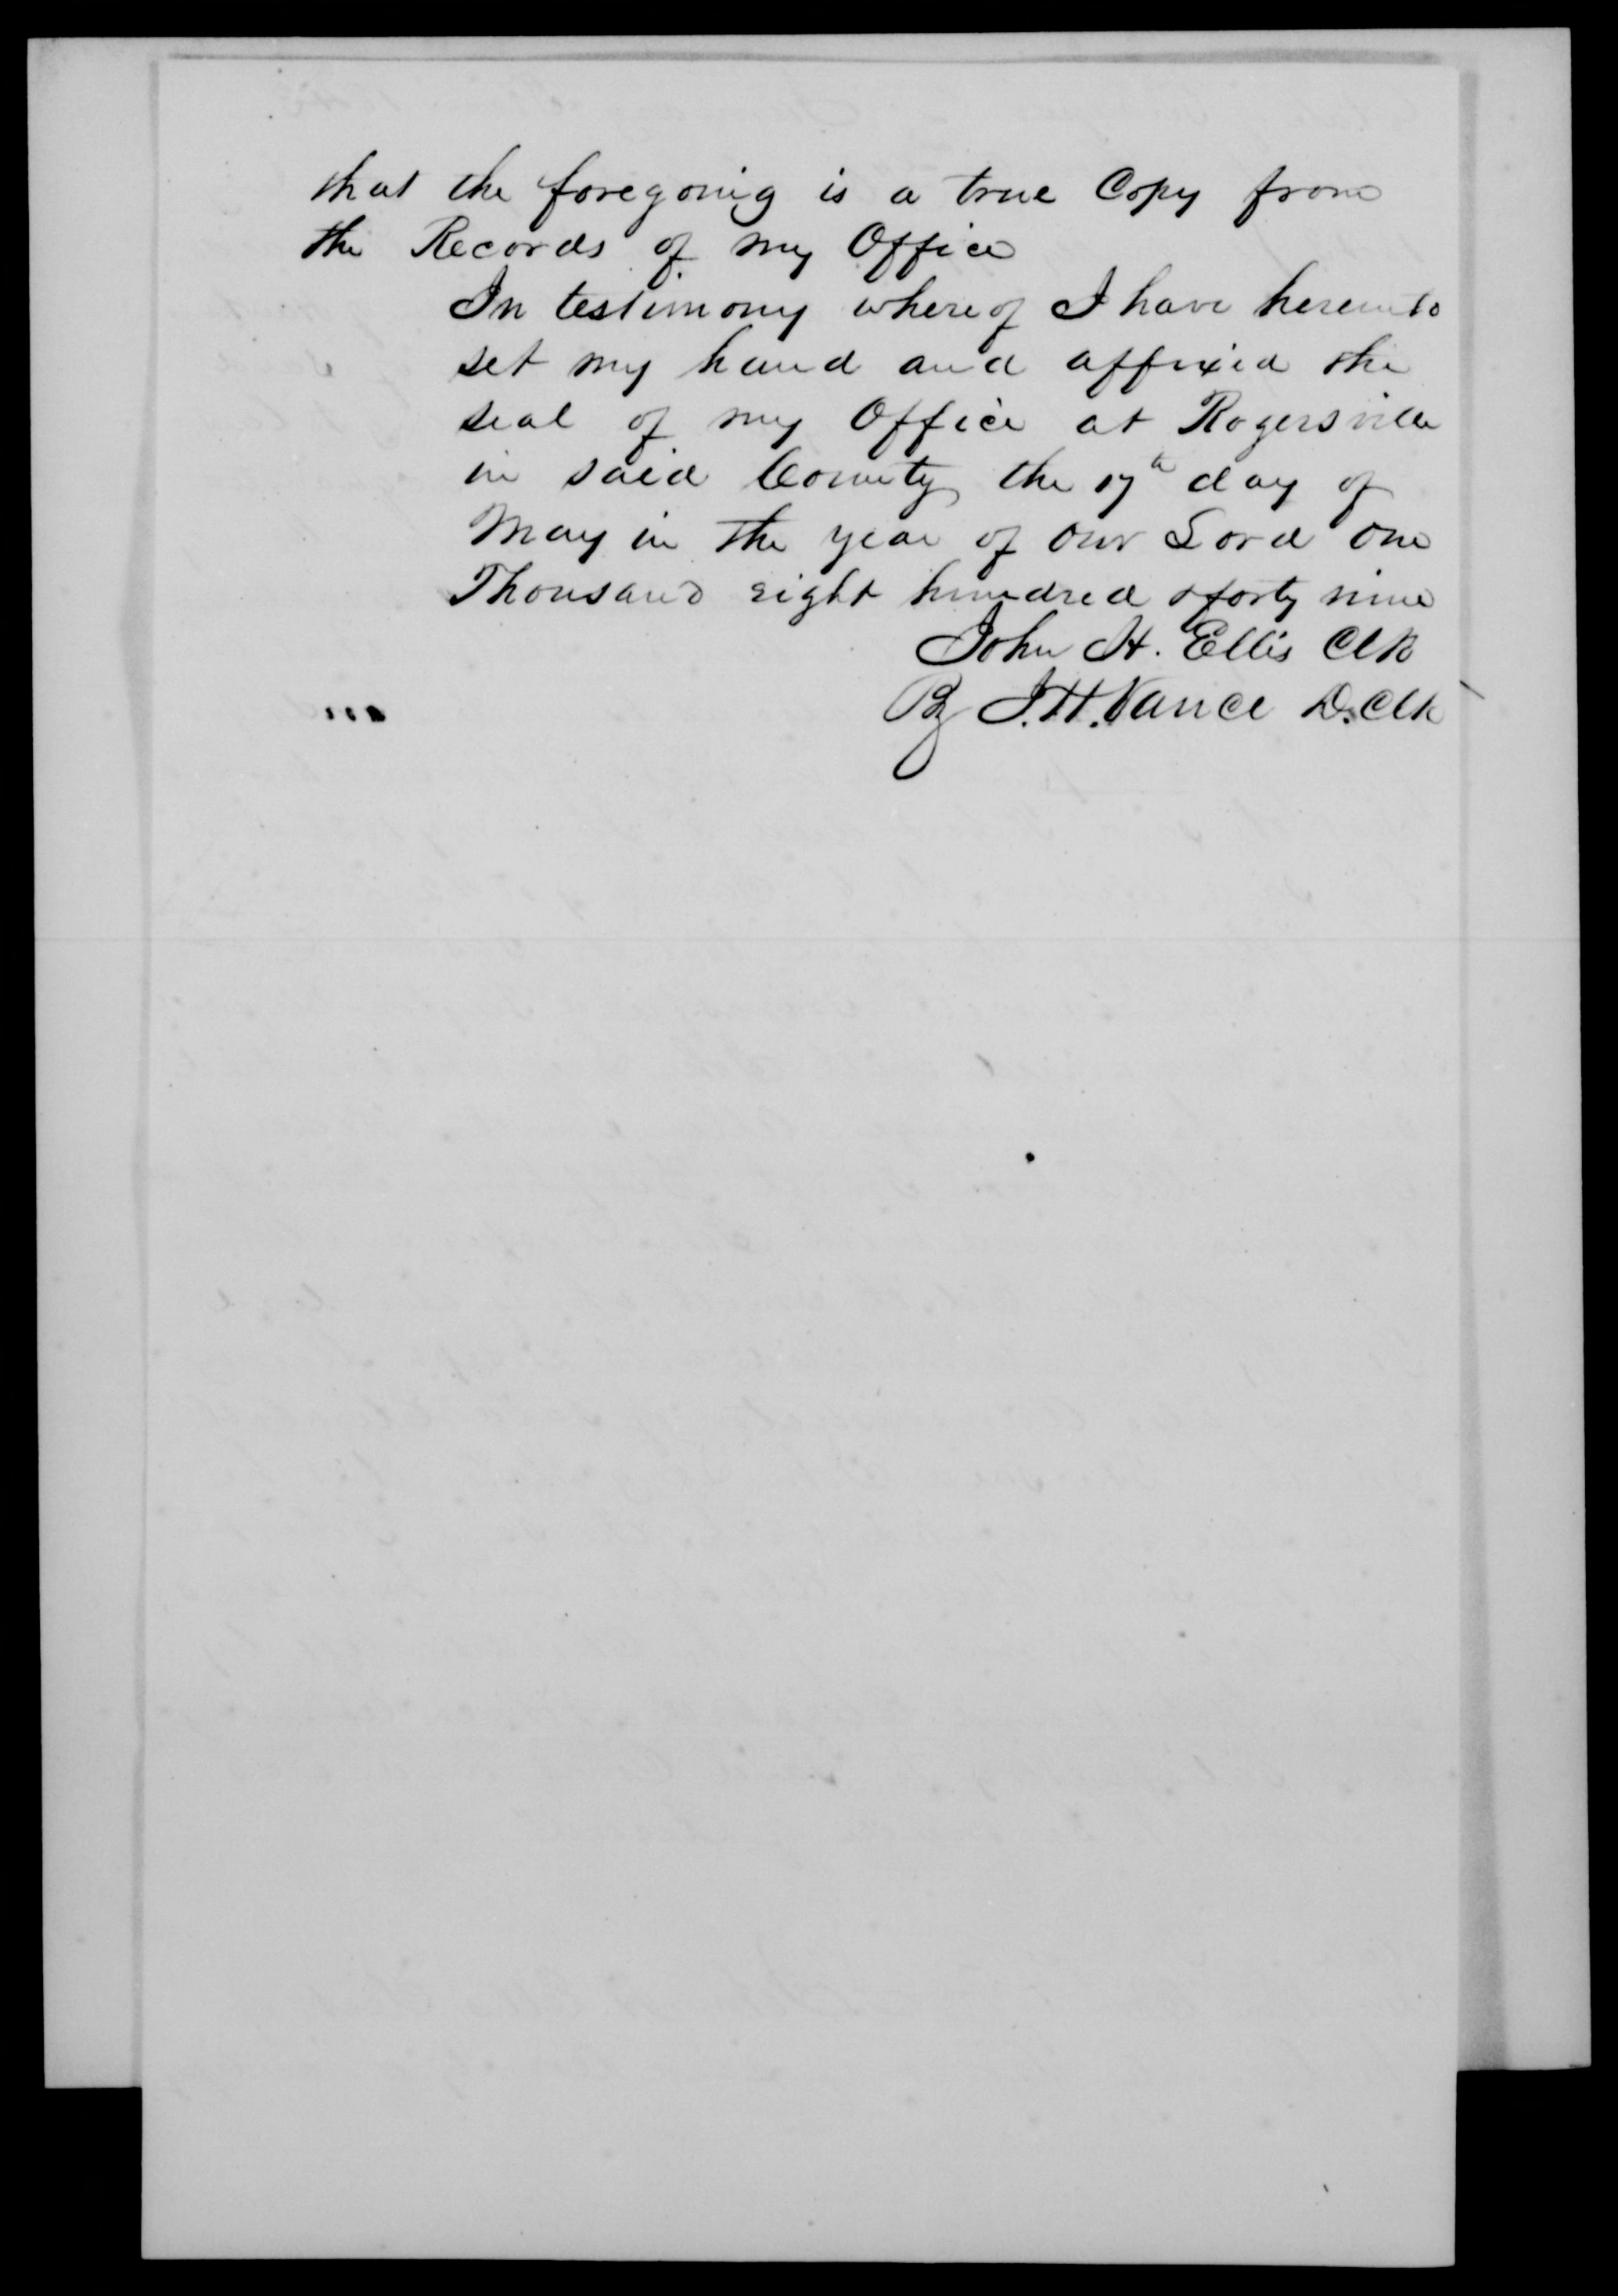that the foregoing is a true copy from the records of my office.

In testimony whereof I have hereunto set my hand and affixed the seal of my office at Rogersville in said County the 7th day of May in the year of our Lord one thousand eight hundred & forty nine 
John H. Ellis Clk
By J. H. Vance D. Clk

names: J H Vance; John H Ellis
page: 22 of 79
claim: widow's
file: W. 1504, for Robert Smith, North Carolina